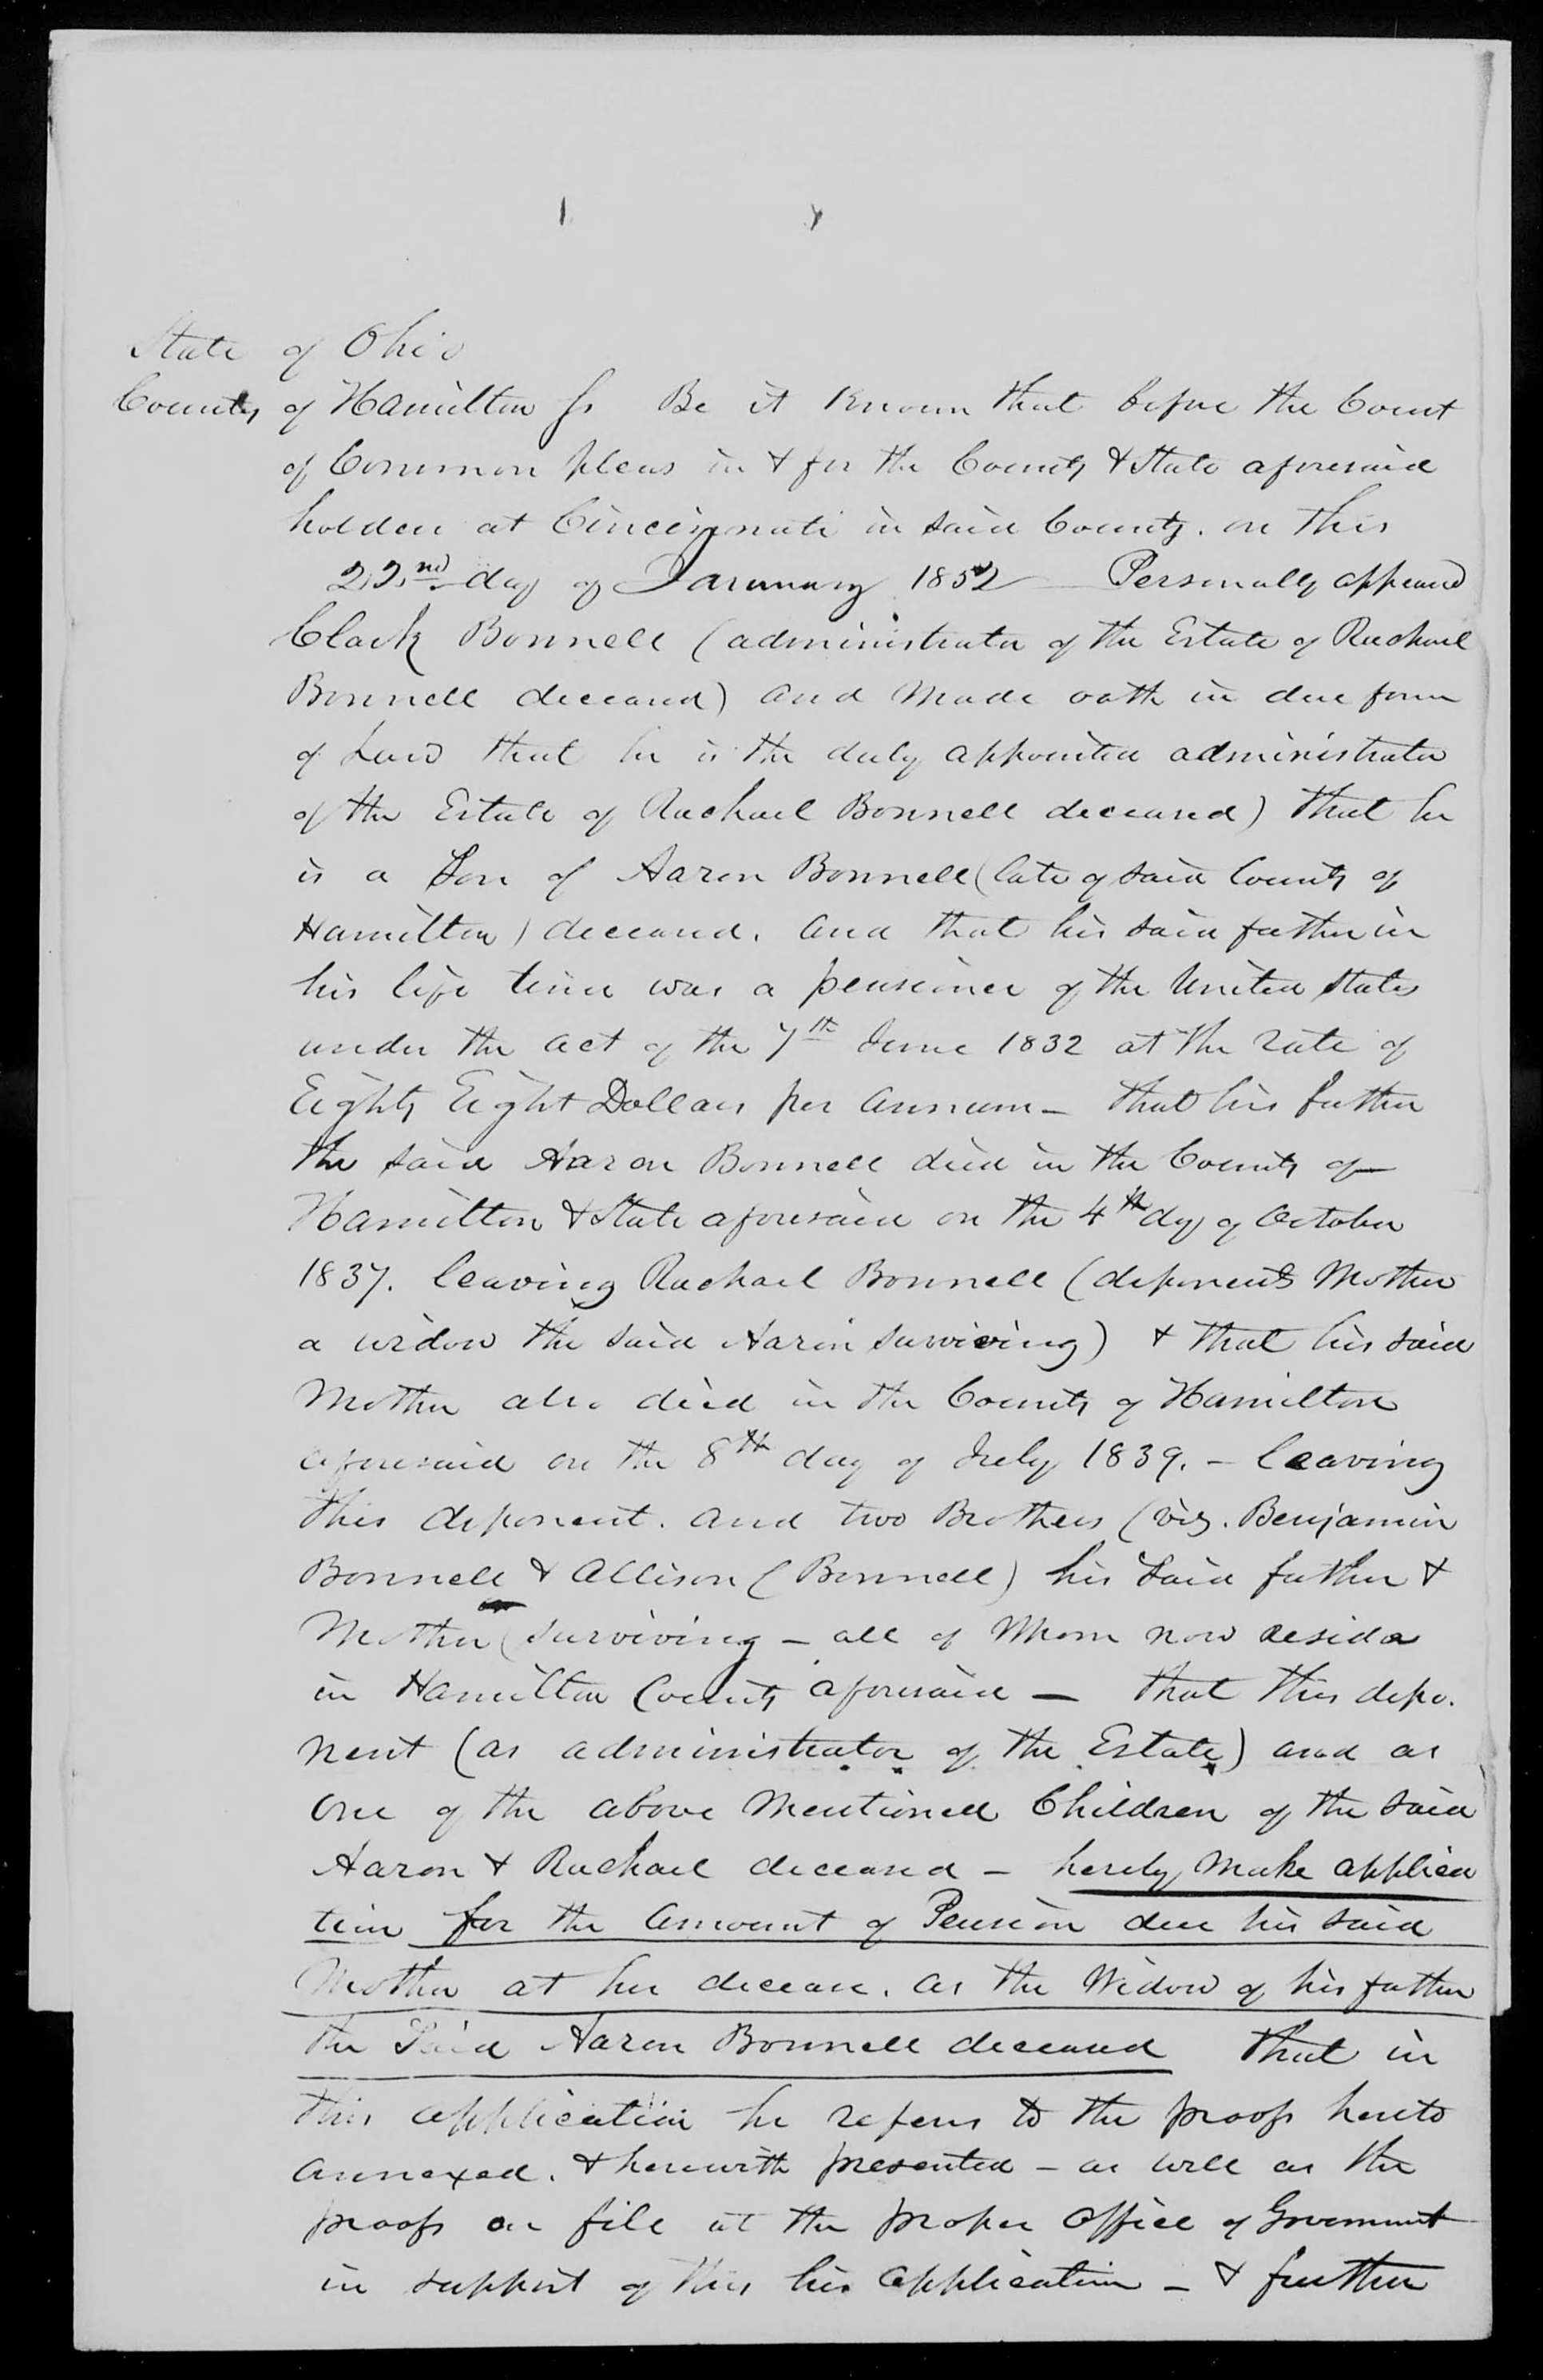State of Ohio
County of Hamilton ss.
Be it known  that before the Court of Common Pleas in & for the county & state aforesaid holden at Cincinnati in said county on this 22nd day of January 1852 personally appeared Clark Bonnell (administrator of the Estate of Rachel Bonnell deceased) and made oath in due form of law that he is the duly appointed administrator of the Estate of Rachael Bonnell deceased, that he is a son of Aaron Bonnell (late of said County of Hamilton) deceased, and that his said father in his lifetime was a pensioner of the United States under the act of the 7th June 1832 at the rate of Eighty eight dollars per annum. That his father the said Aaron Bonnell died in the County of Hamilton & State aforesaid on the 4th day of October 1837 leaving Rachael Bonnel (deponent's mother a widow, the said Aaron surviving) & that his said mother also died in the County of Hamilton aforesaid on the 8th day of July 1839 leaving this deponent and two brothers (viz. Benjamin Bonnell & Allison C. (Bonnell) his said father & mother surviving - all of whom now reside in Hamilton County aforesaid.  That this deponent (as administrator of the estate) and as one of the above mentioned children of the said Aaron & Rachael deceased - hereby make application for the amount of pension due his said mother at her decease, as the widow of his father the said Aaron Bonnell deceased.  That in this application he refers to the proof hereto annexed & herewith presented - as well as the proofs on file at the proper office of government in support of this his application - & further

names: Allison C Bonnell, Aaron, Aaron Bonnell, Rachael, Benjamin Bonnell, Rachael Bonnell, Aaron, Clark Bonnell, Rachael Bonnell, Aaron Bonnell, Rachael Bonnell, Aaron Bonnell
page: 9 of 67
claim: rejected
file: R. 1009, Aaron Bonnel, New Jersey